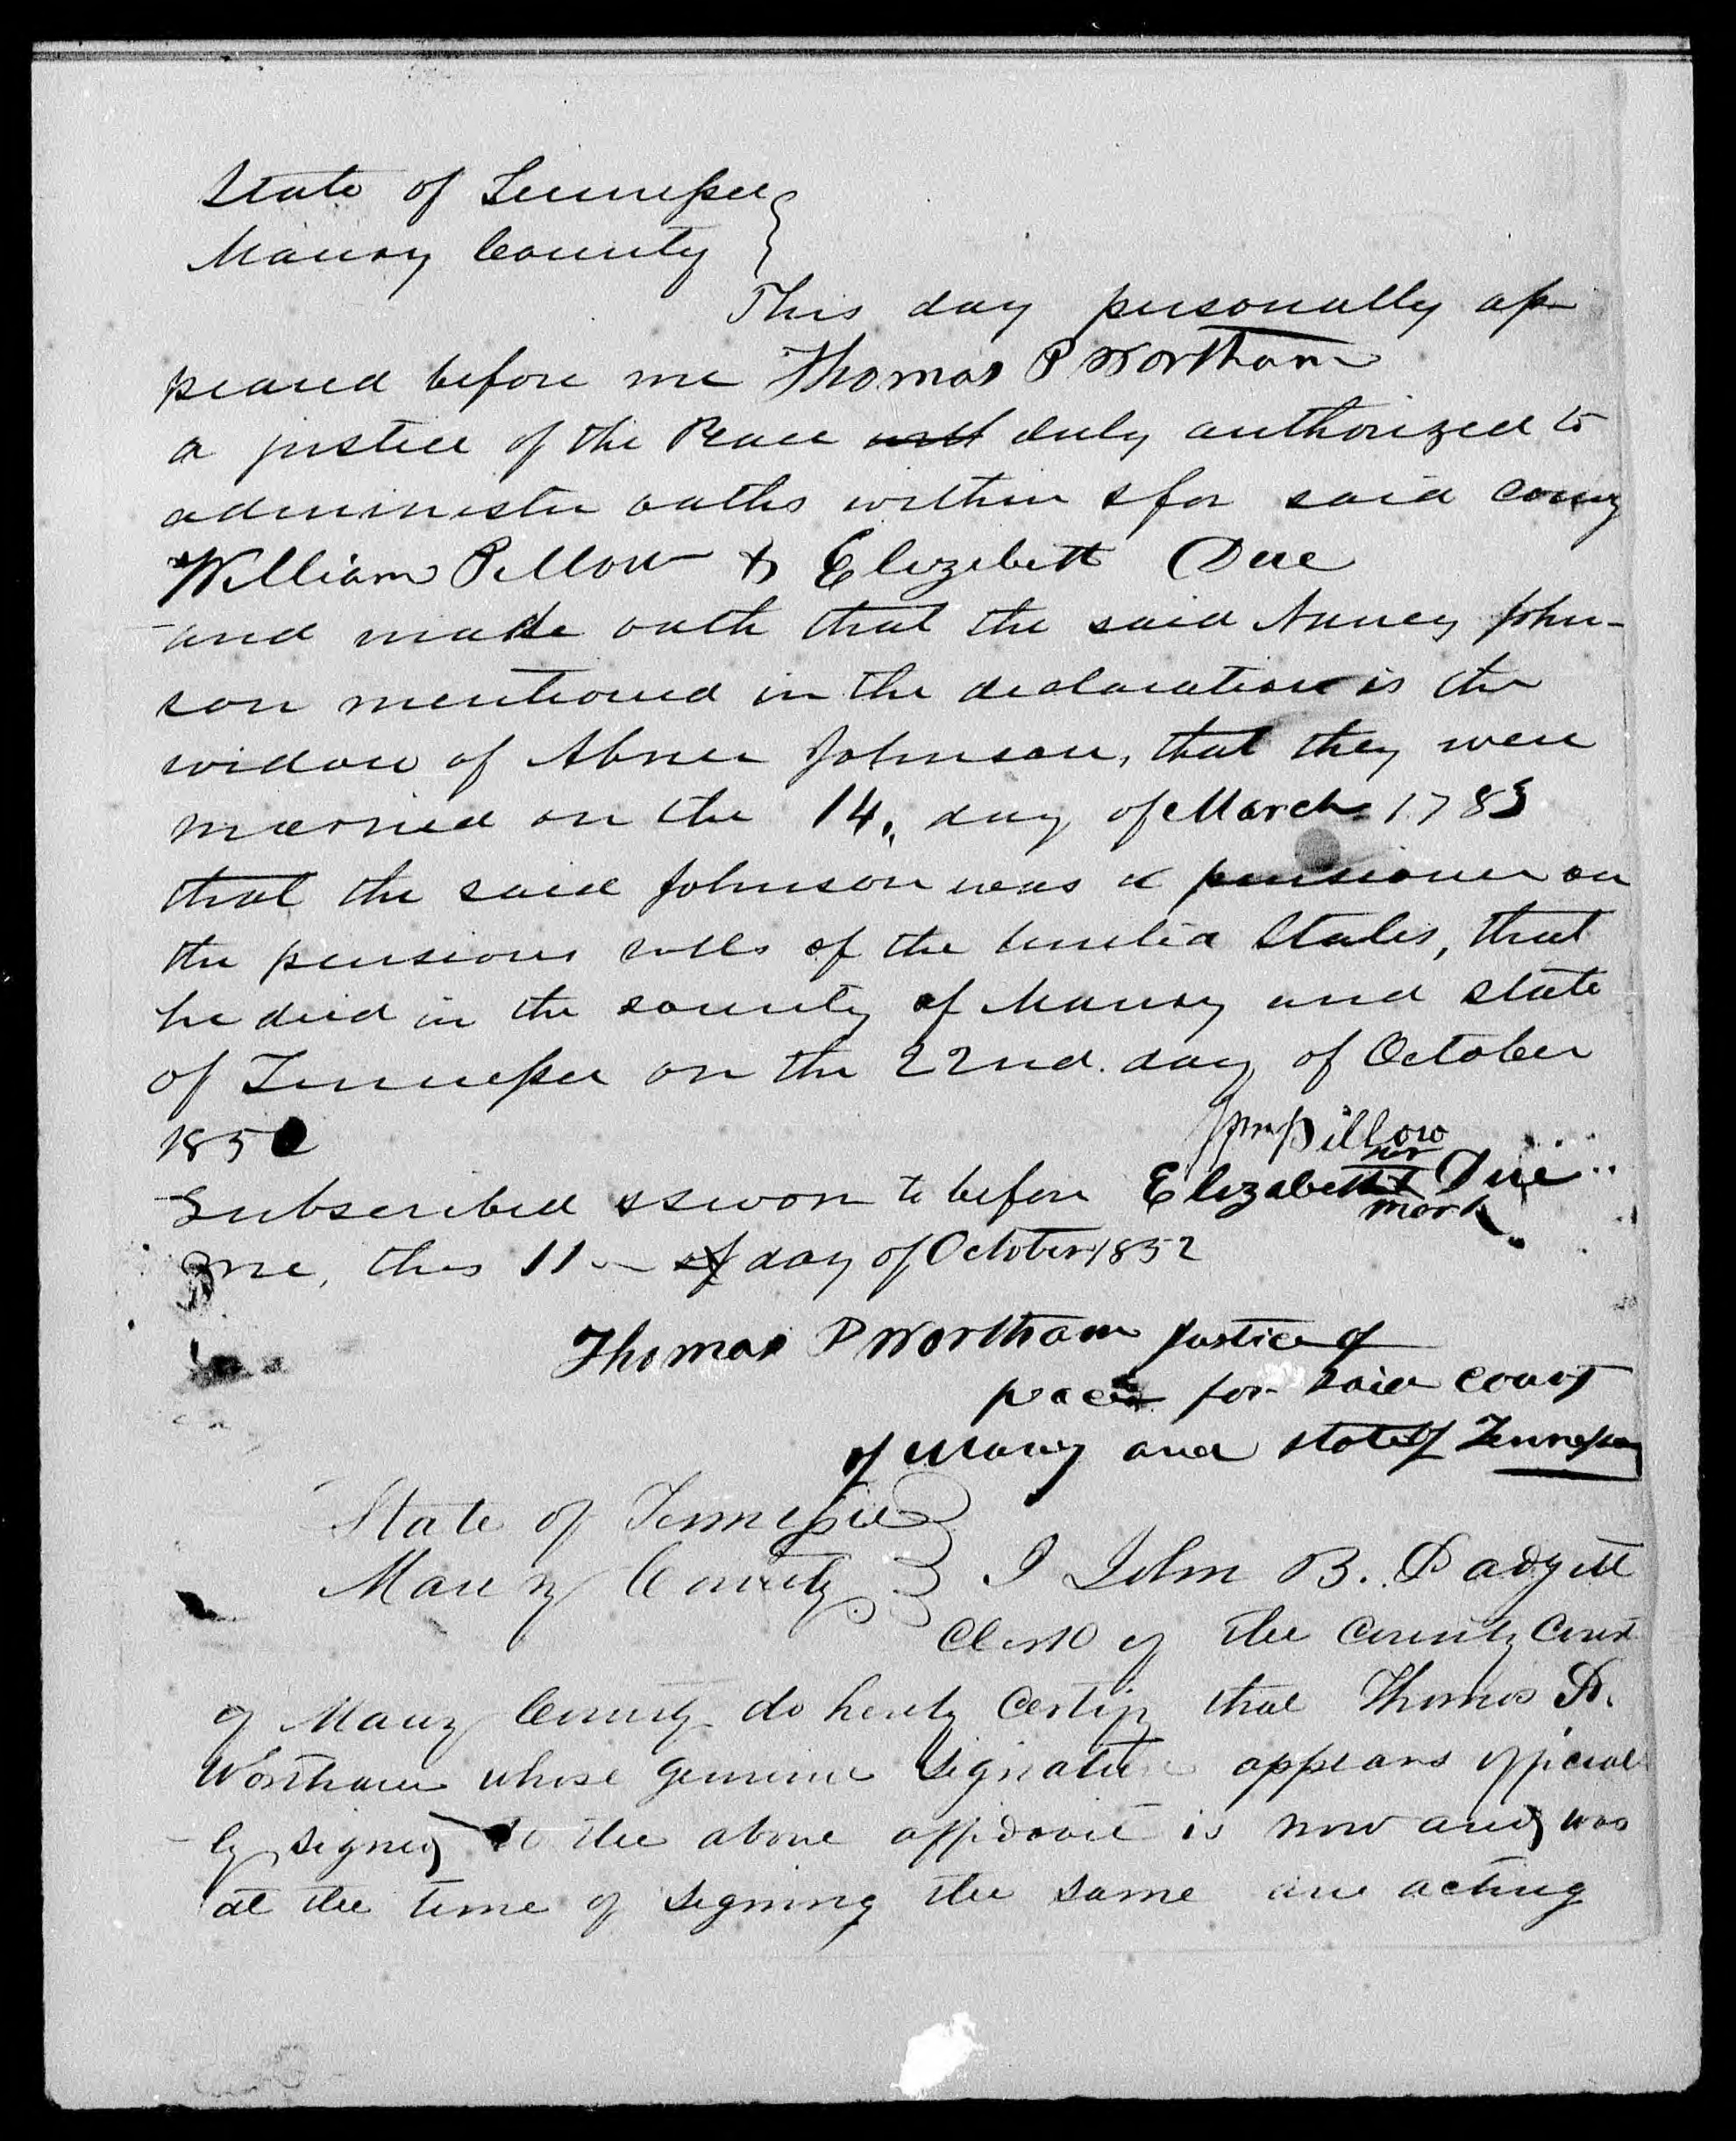State of Tennessee}
Maury County}
 This day personally appeared before me Thomas P Wortham a justice of the Peace duly authorized to administer oaths within & for said county William Pillow & Elizabeth Due and made oath that the said Nancy Johnson mentioned in the declaration is the evidence of Abner Johnson, that they were married on the 14 day of March 1785 that the said Johnson was a pensioner on the pension rolls of the United States, that he died in the county of Maury and state of Tennessee on the 22nd day of October 1850
                  Wm. Pillow
                  Elizabeth X Due
                    (X her mark)

Subscribed & sworn to before me this 11 day of October 1852
         Thomas P Wortham Justice of
                Peace for said County of Maury and 
                State of Tennessee

State of Tennessee
Maury County
     I John B. Padgett Clerk of the County Court of Maury County, do hereby certify that Thomas P. Wortham whose genuine signature appears officially signed to the above affidavit is now and was at the time of signing the same an acting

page: 6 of 27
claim: rejected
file: R. 5649, for Abner Johnson, North Carolina